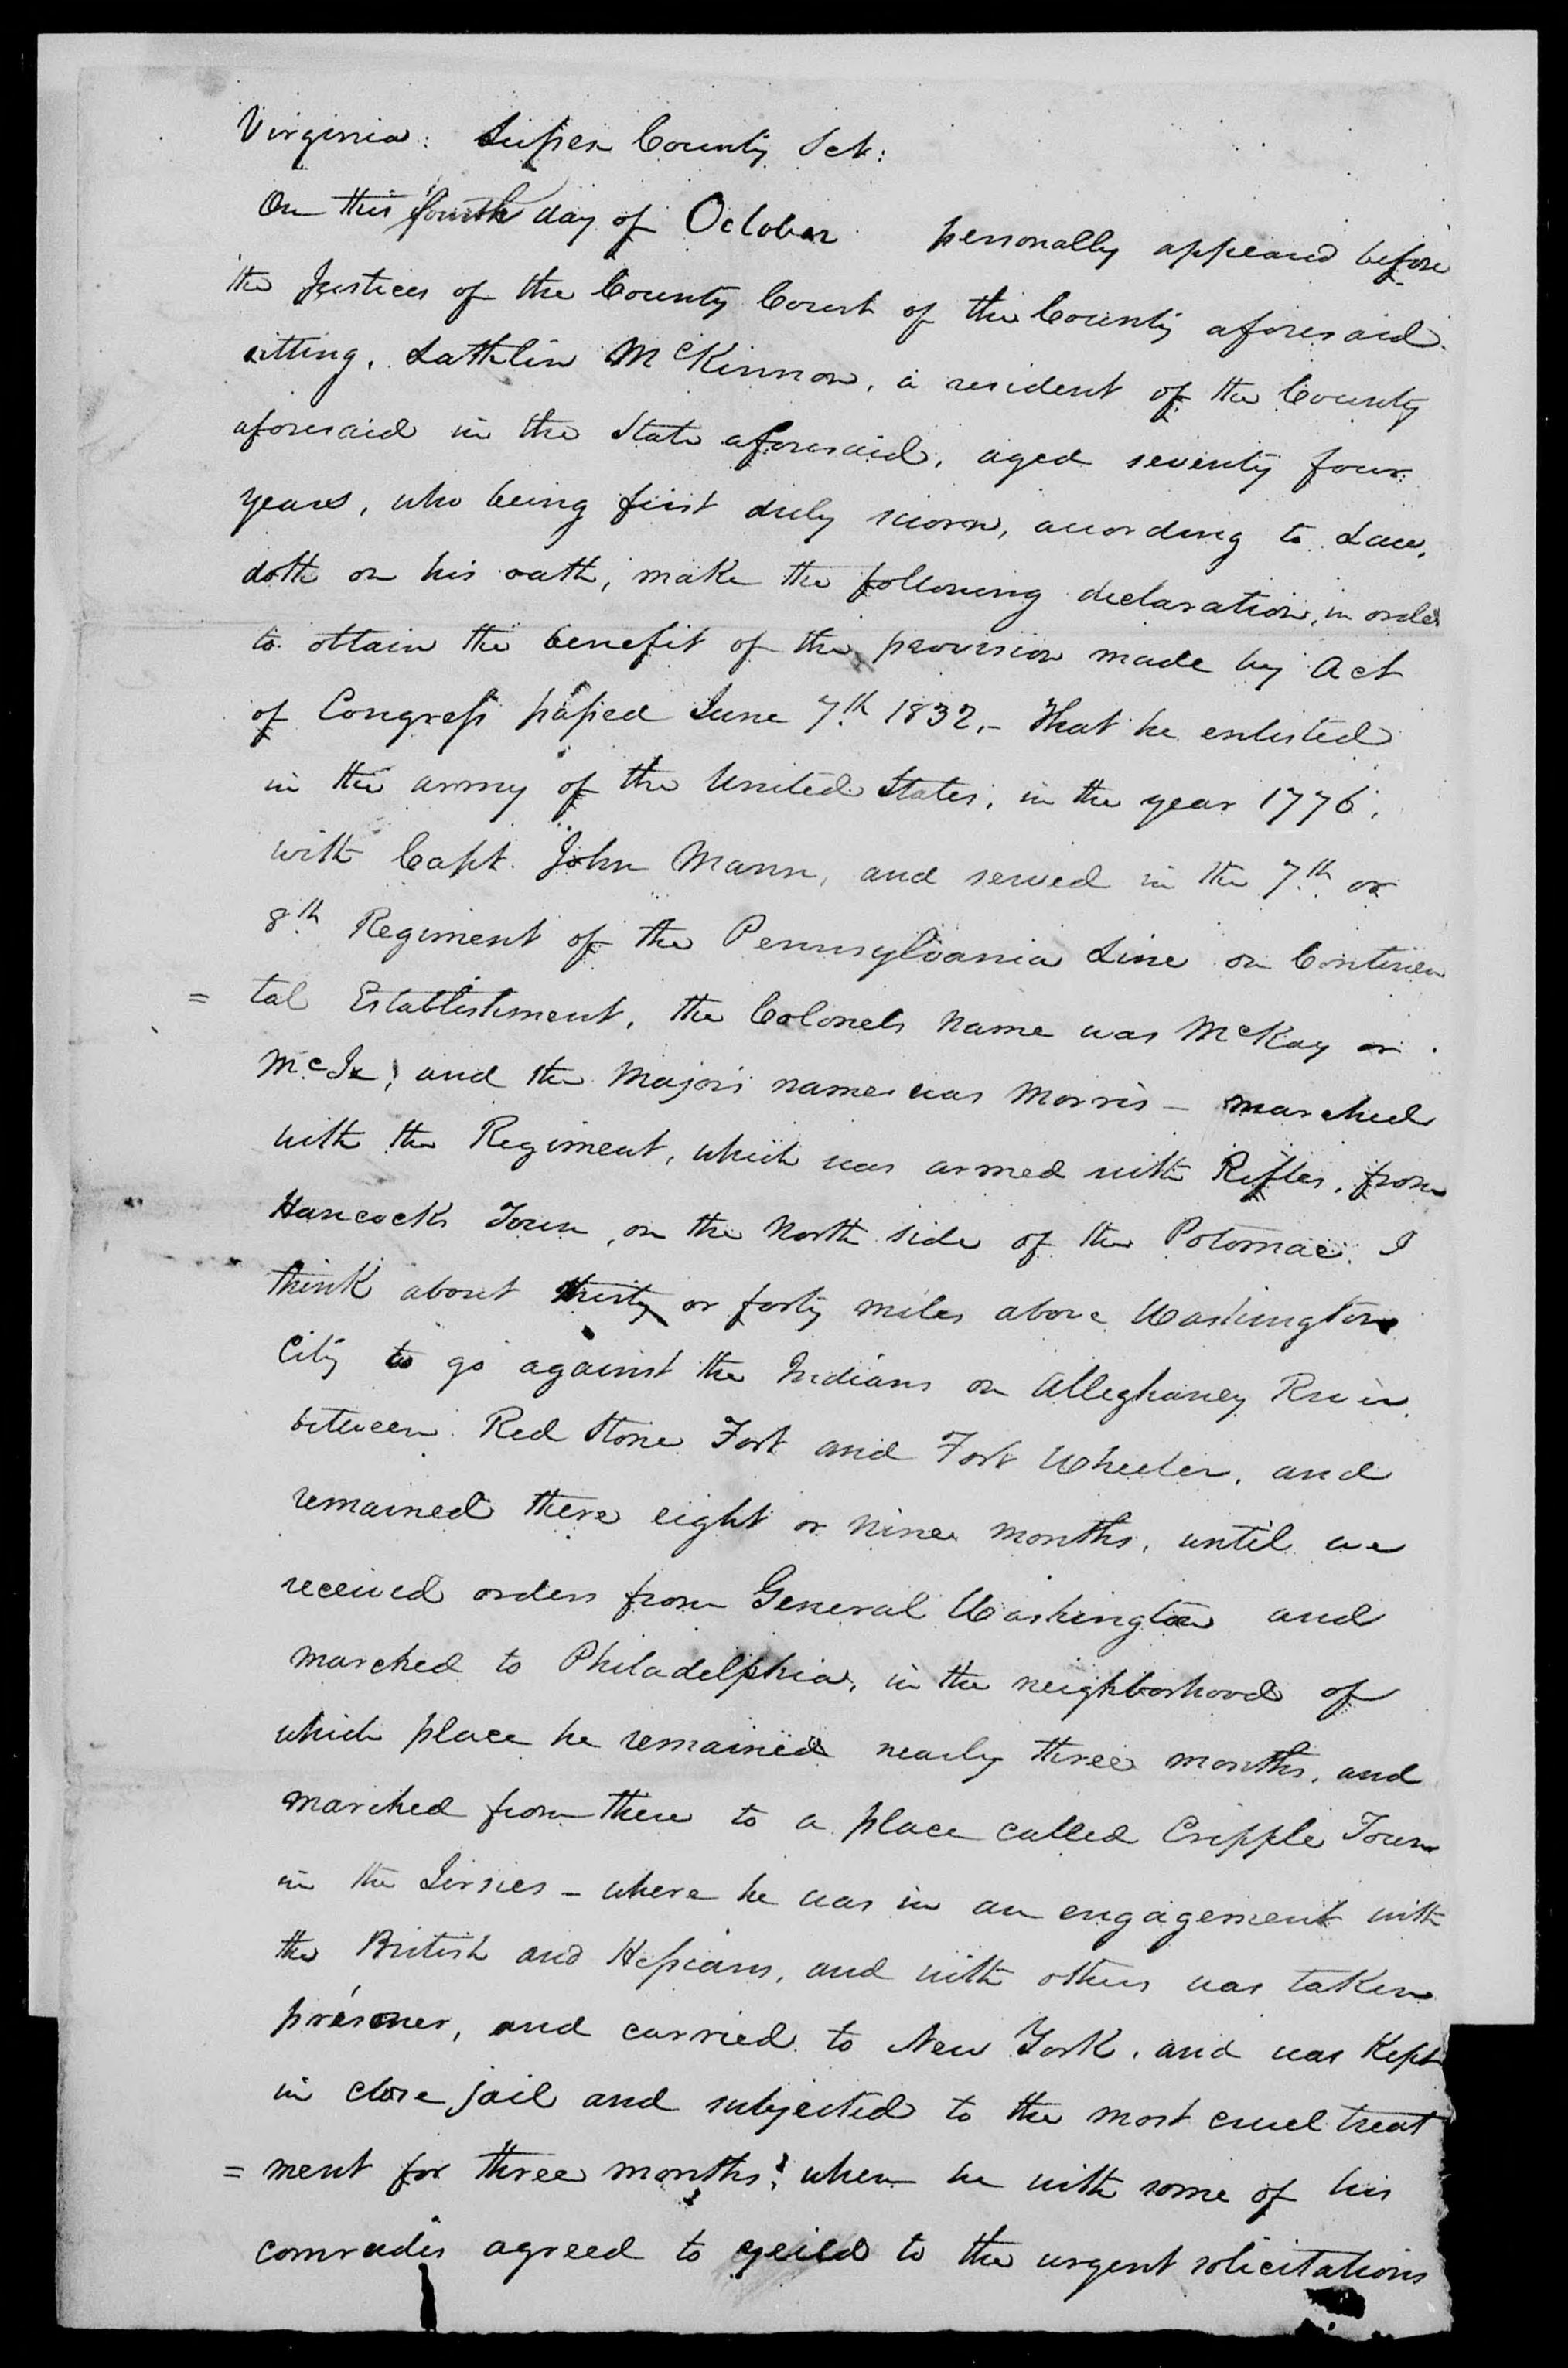Virginia [indiscernible] County Set
On this fourth day of October personally appeared before the Justices of the County Court of the County aforesaid [indiscernible], Lathlin McKinnon, a resident of the County aforesaid in the State aforesaid, aged seventy four years, who being first duly sworn, according to Law doth on his oath, make the following declarations, in order to obtain the benefit of the pensions made [available] by Act of Congress pas[s]ed [on] June 7th 1832, that he enlisted in the army of the United States, in the year 1776, with Capt. John Mann, and served in the 7th or 8th Regiment of the Pennsylvania Line on Continental Establishment, the Colonel[']s name was McKay or Mc[indiscernible], and the Major's name was Morris - marched with the Regiment, which was armed with (r)ifles, from Hancock Town, on the North side of the Potomac[.] I think about thirty or forty miles above Washington City to go against the Indians on [the] Alleghaney [Allegheny] River between Red Stone Fort and Fort Wheeler, and remained there eight or nine months, until we received orders from General Washington and marched to Philadelphia, in the neighborhood of which place he remained nearby three months, and marched from there to a placed called Cripple Town in the Jersies [New Jersey?] - where he was in an engagement with the British and Hessians, and with others was taken prisoner, and carried to New York, and was kept in close jail and subjected to the most cruel treatment for three months, when he with some of his comrades agree to yeild [yield] to the urgent solicitations.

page: 3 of 13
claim: rejected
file: R. 6753, for Lathlin Mc Kinnon, Pennsylvania